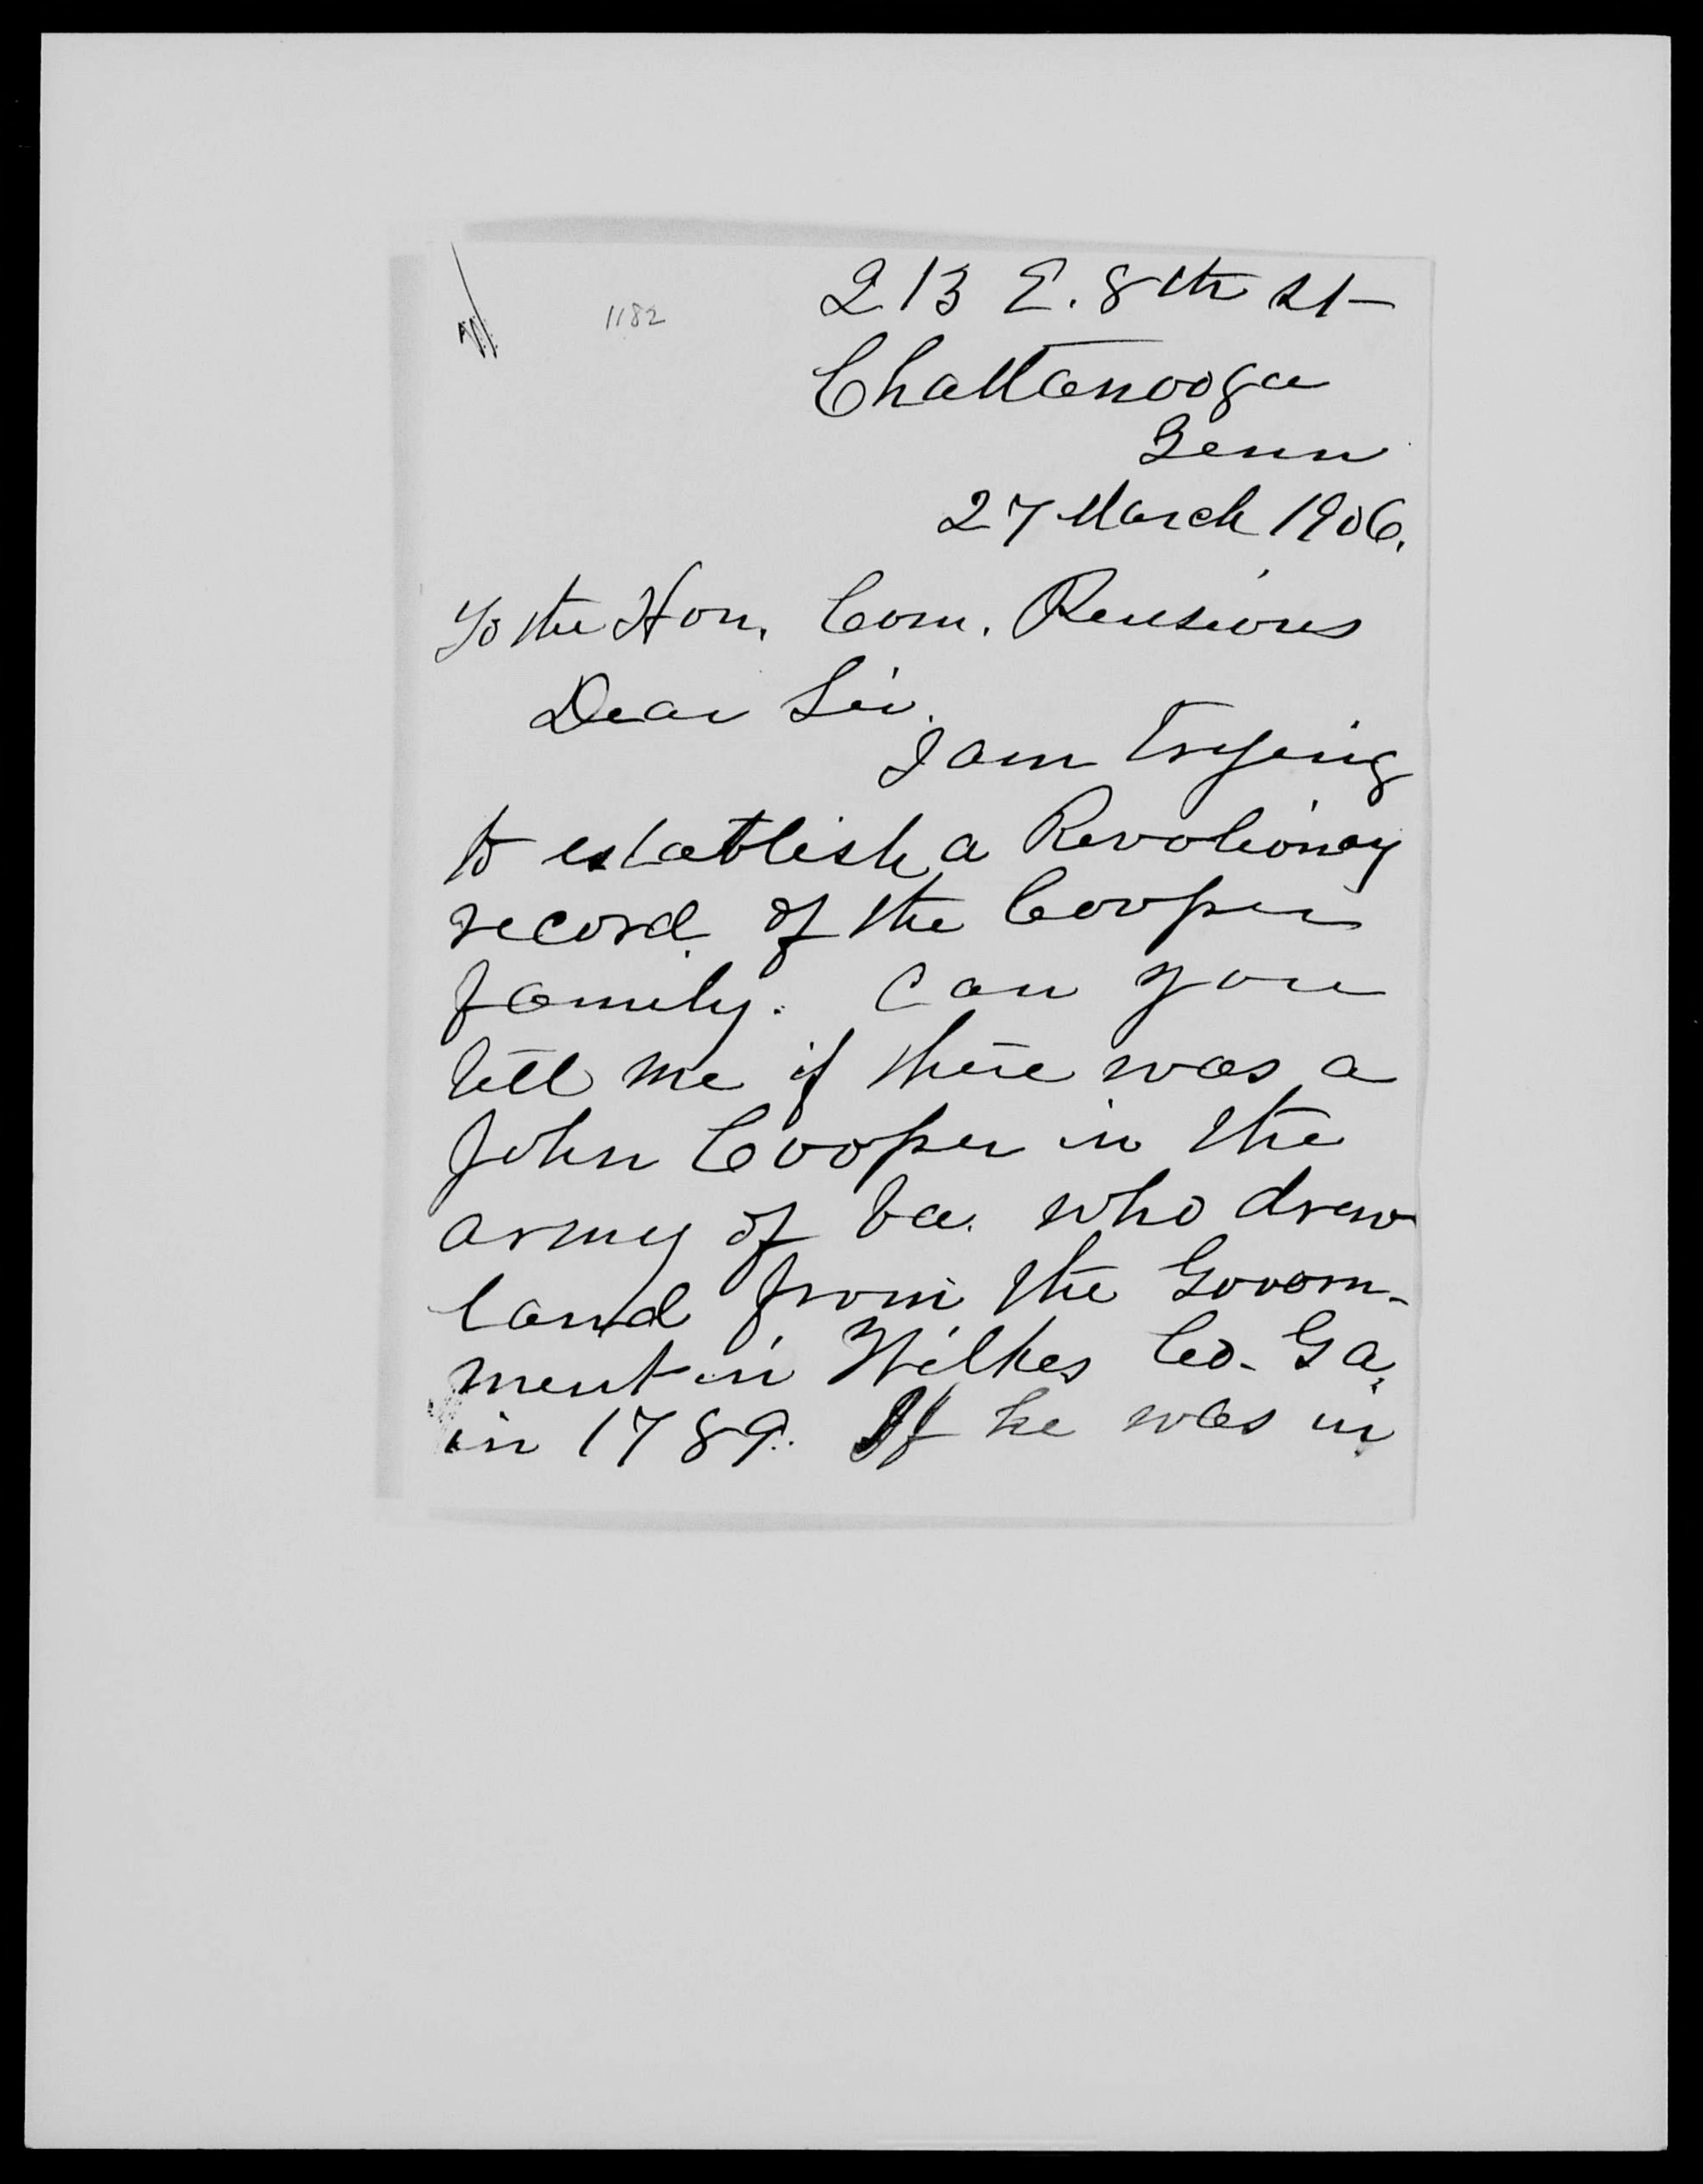213 E. 8th St
Chattanooga, Tenn
27 March 1906

To the Hon. Com. Pensions
Dear Sir
I am trying to establish a Revolutionary record of the Cooper family. Can you tell me if there was a
John Cooper in the army of Va. who drew land from the Government in Wilkes Co. Ga in 1789. If he was in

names: John Cooper, Cooper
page: 11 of 17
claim: rejected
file: R. 2,300, John Cooper, Va.